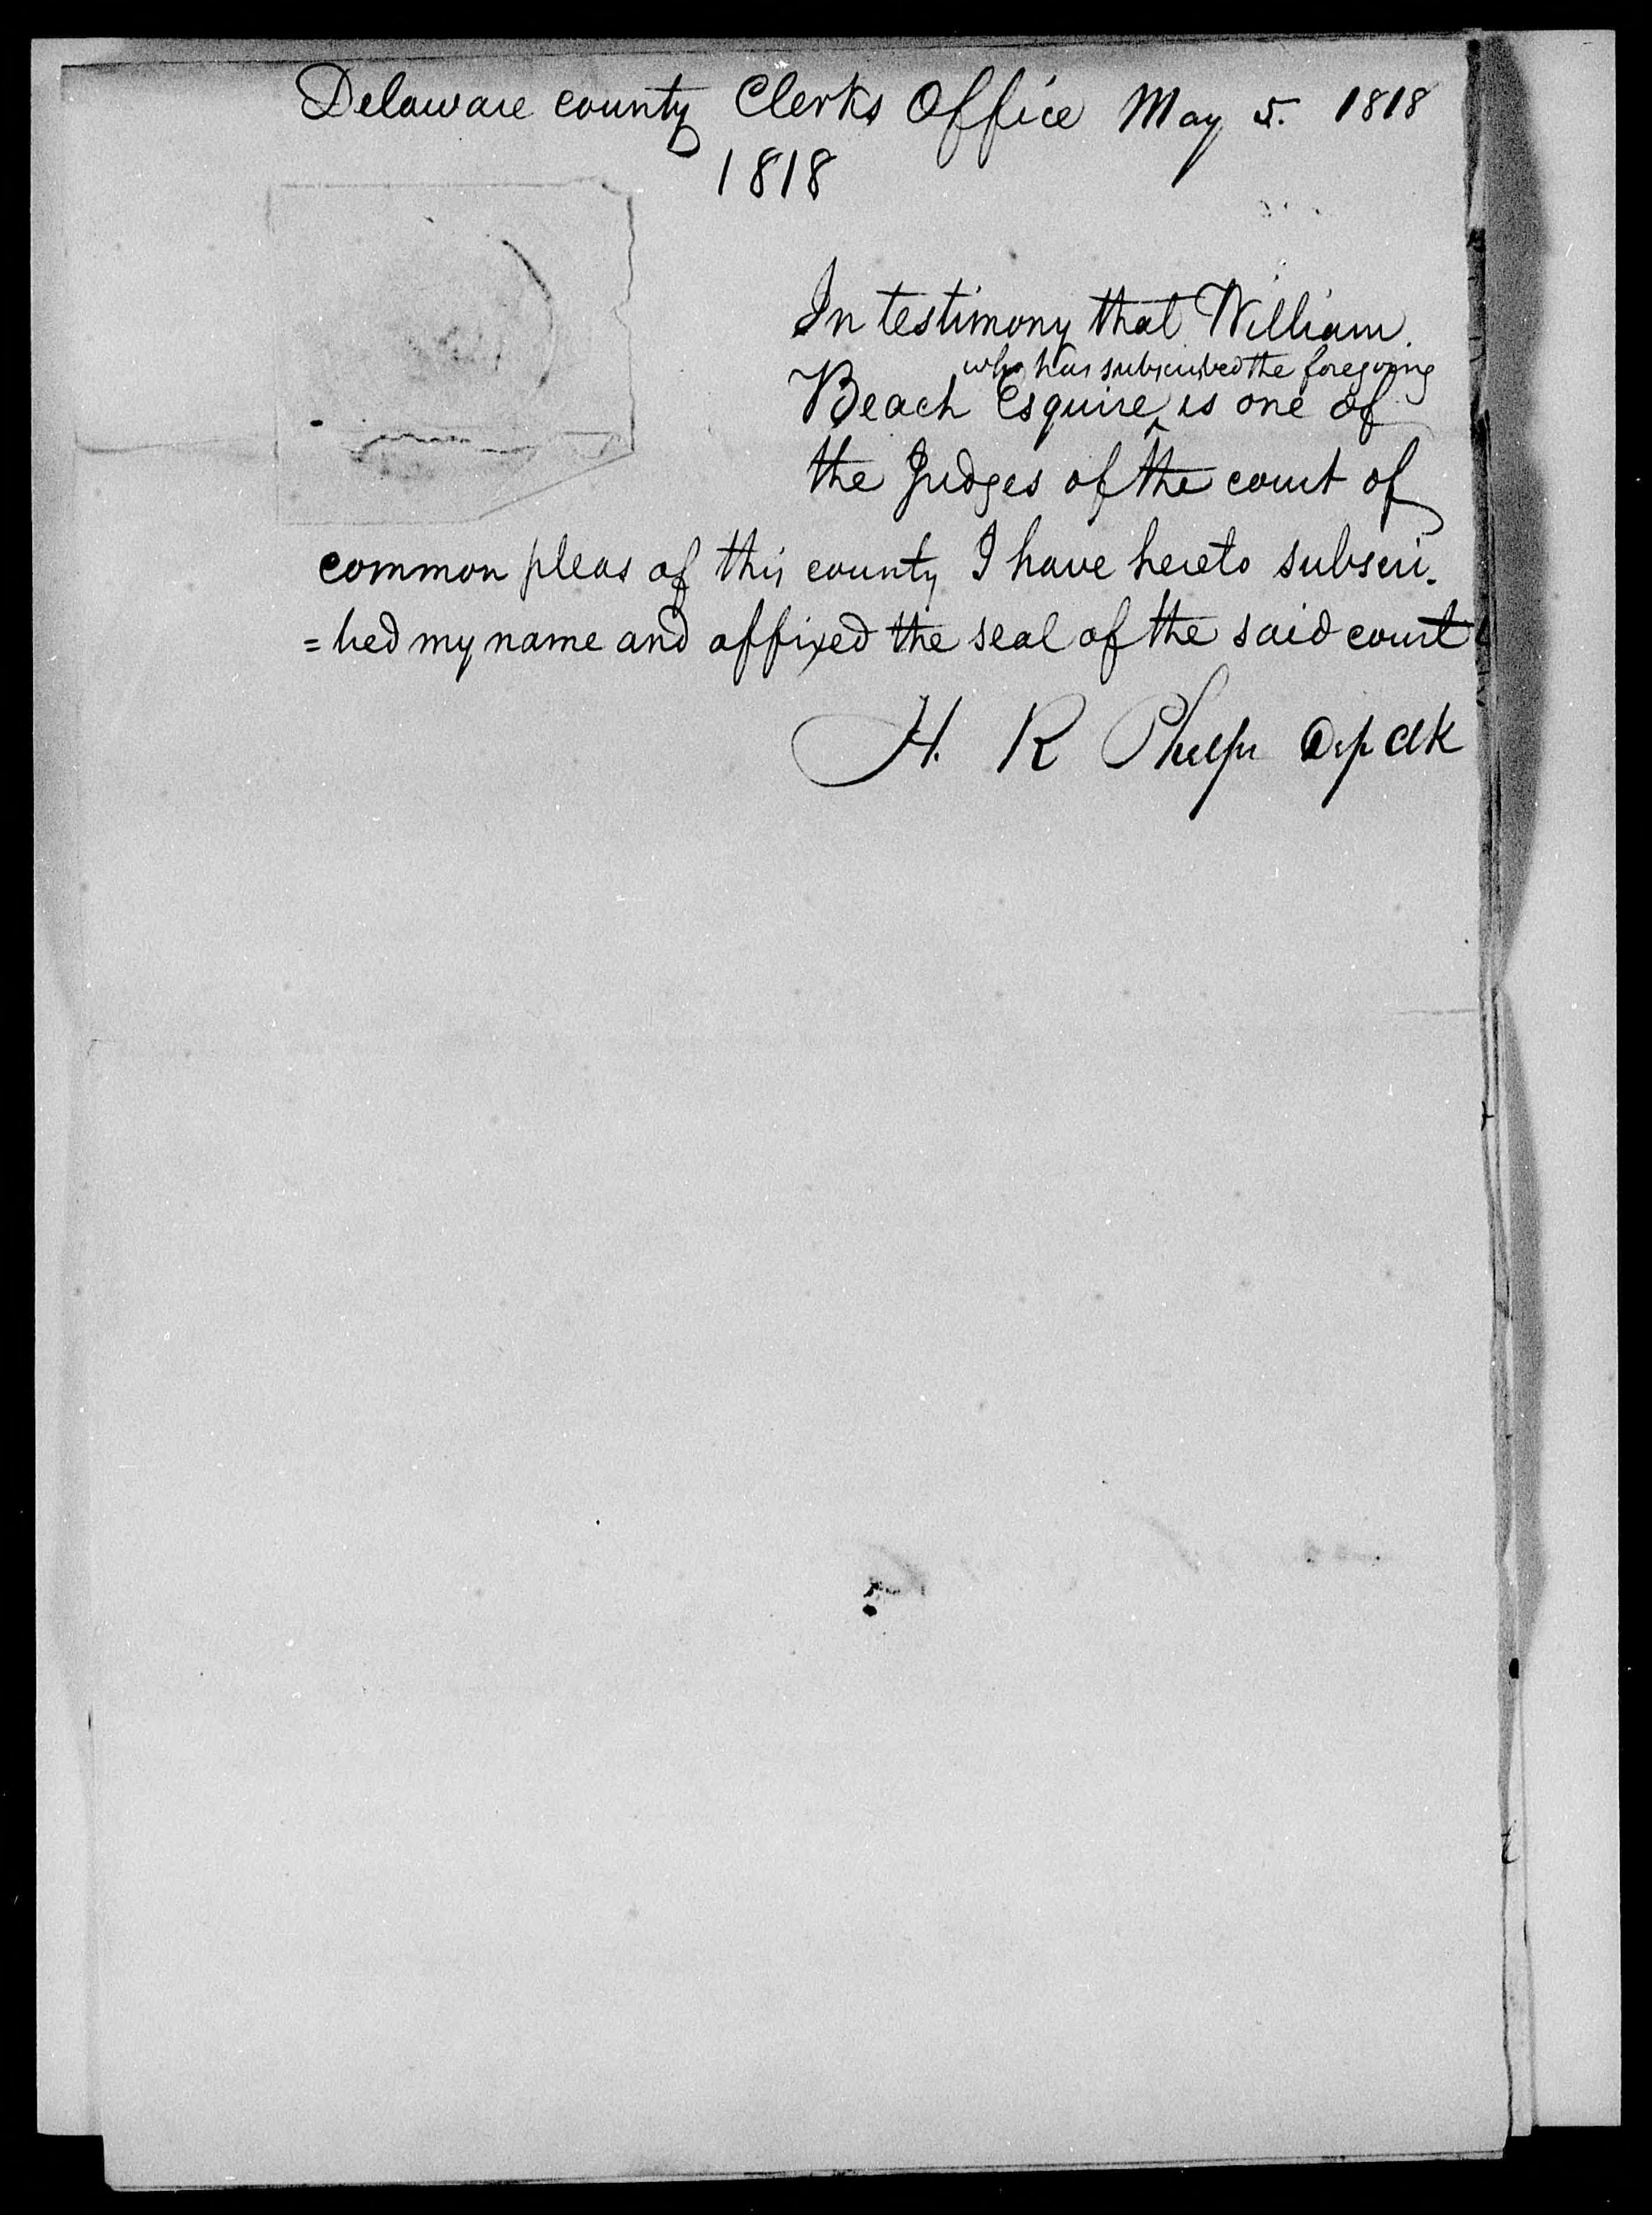[round seal stamped on a square paper]

Delaware County Clerks Office May 5,1818
1818
In testimony that William Beach Esquire 
^(who has subscribed the foregoing) is one of 
the Judges of the court of
common pleas of this county I have hereto subscribed 
my name and affixed the seal of the said Court
H. R. Phelps Dep Clk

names: William Beach; H R Phelps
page: 22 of 40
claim: widow's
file: W. 24364, for David Ogden, New York